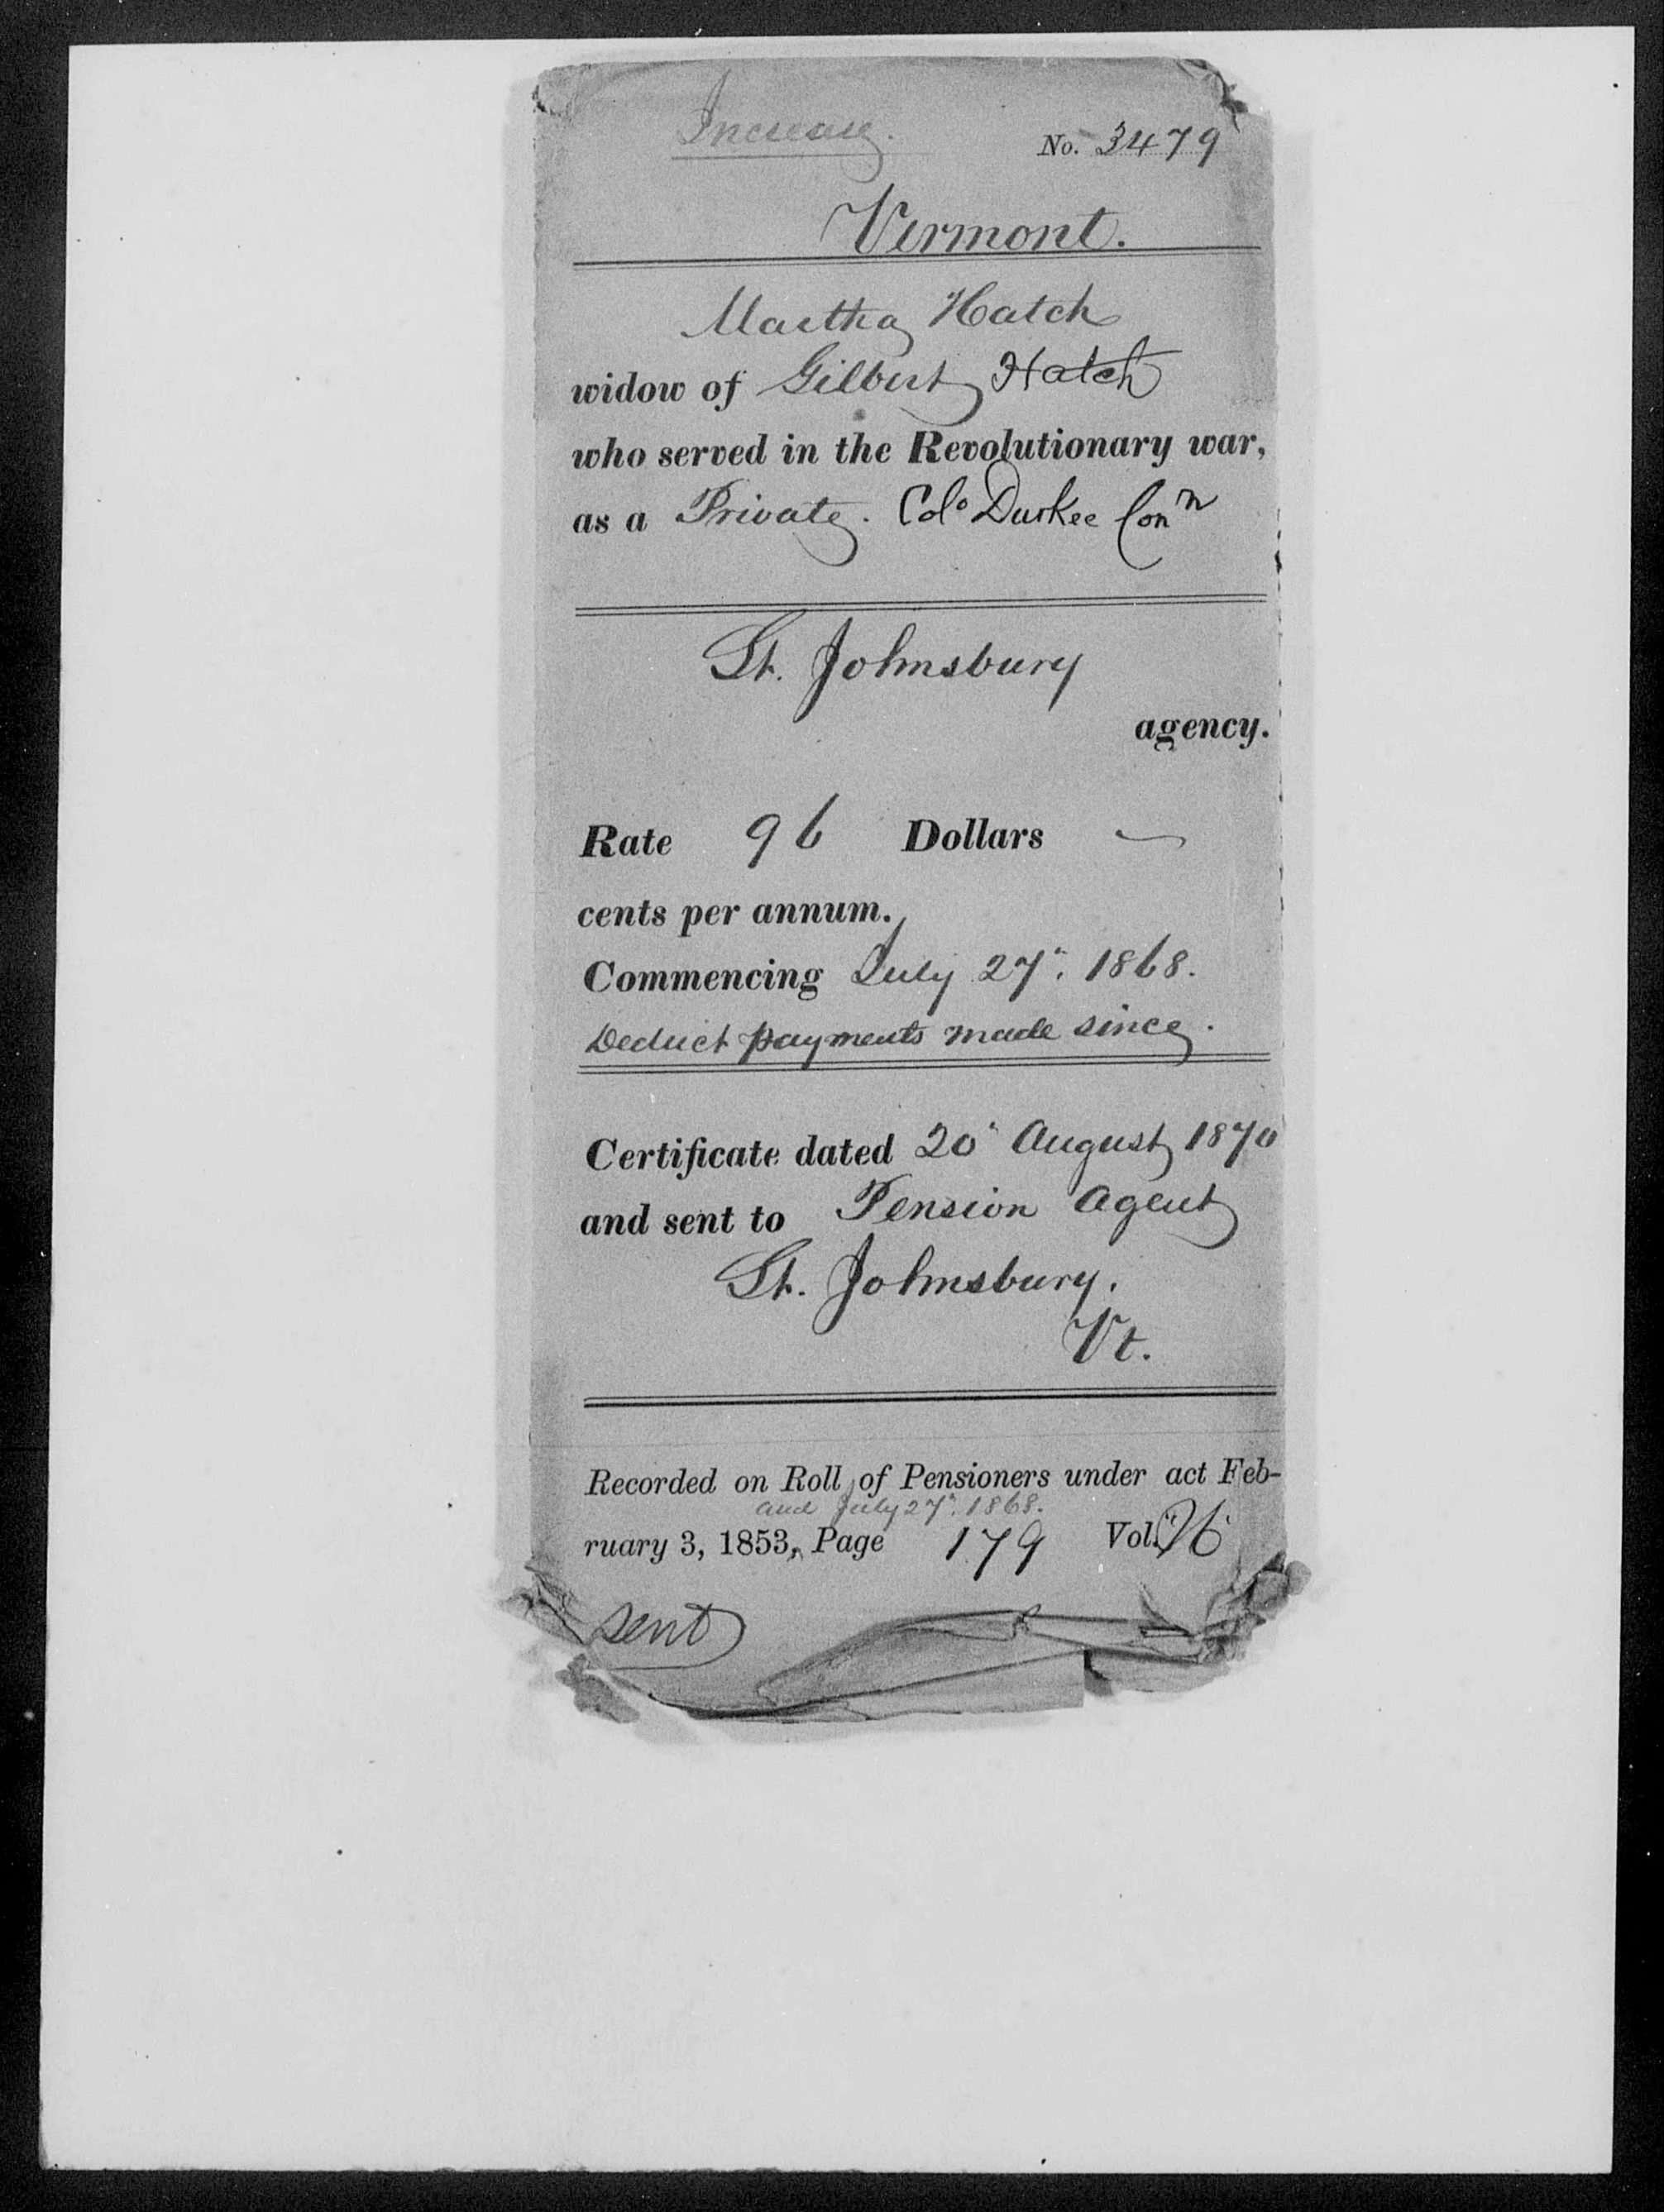Increase
No. 3479

Vermont
========
Martha Hatch
widow of Gilbert Hatch
who served in the Revolutionary war,
as a Private. Col Durkee Conn

========
St. Johnsbury
agency.
Rate 96 Dollars -
cents per annum.
Commencing July 27, 1868
Deduct payments made since

========

Certificate dated 20 August 1870
and sent to Pension Agent
St. Johnsbury
Vt.

========
Recorded on Roll of Pensioners under act February 3, 
1853 [^and July 27th, 1868], Page 179 Vol. [N?]

sent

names: Durkee, Gilbert Hatch, Martha Hatch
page: 3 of 47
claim: widow's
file: W. 225, Gilbert Hatch, Conn.